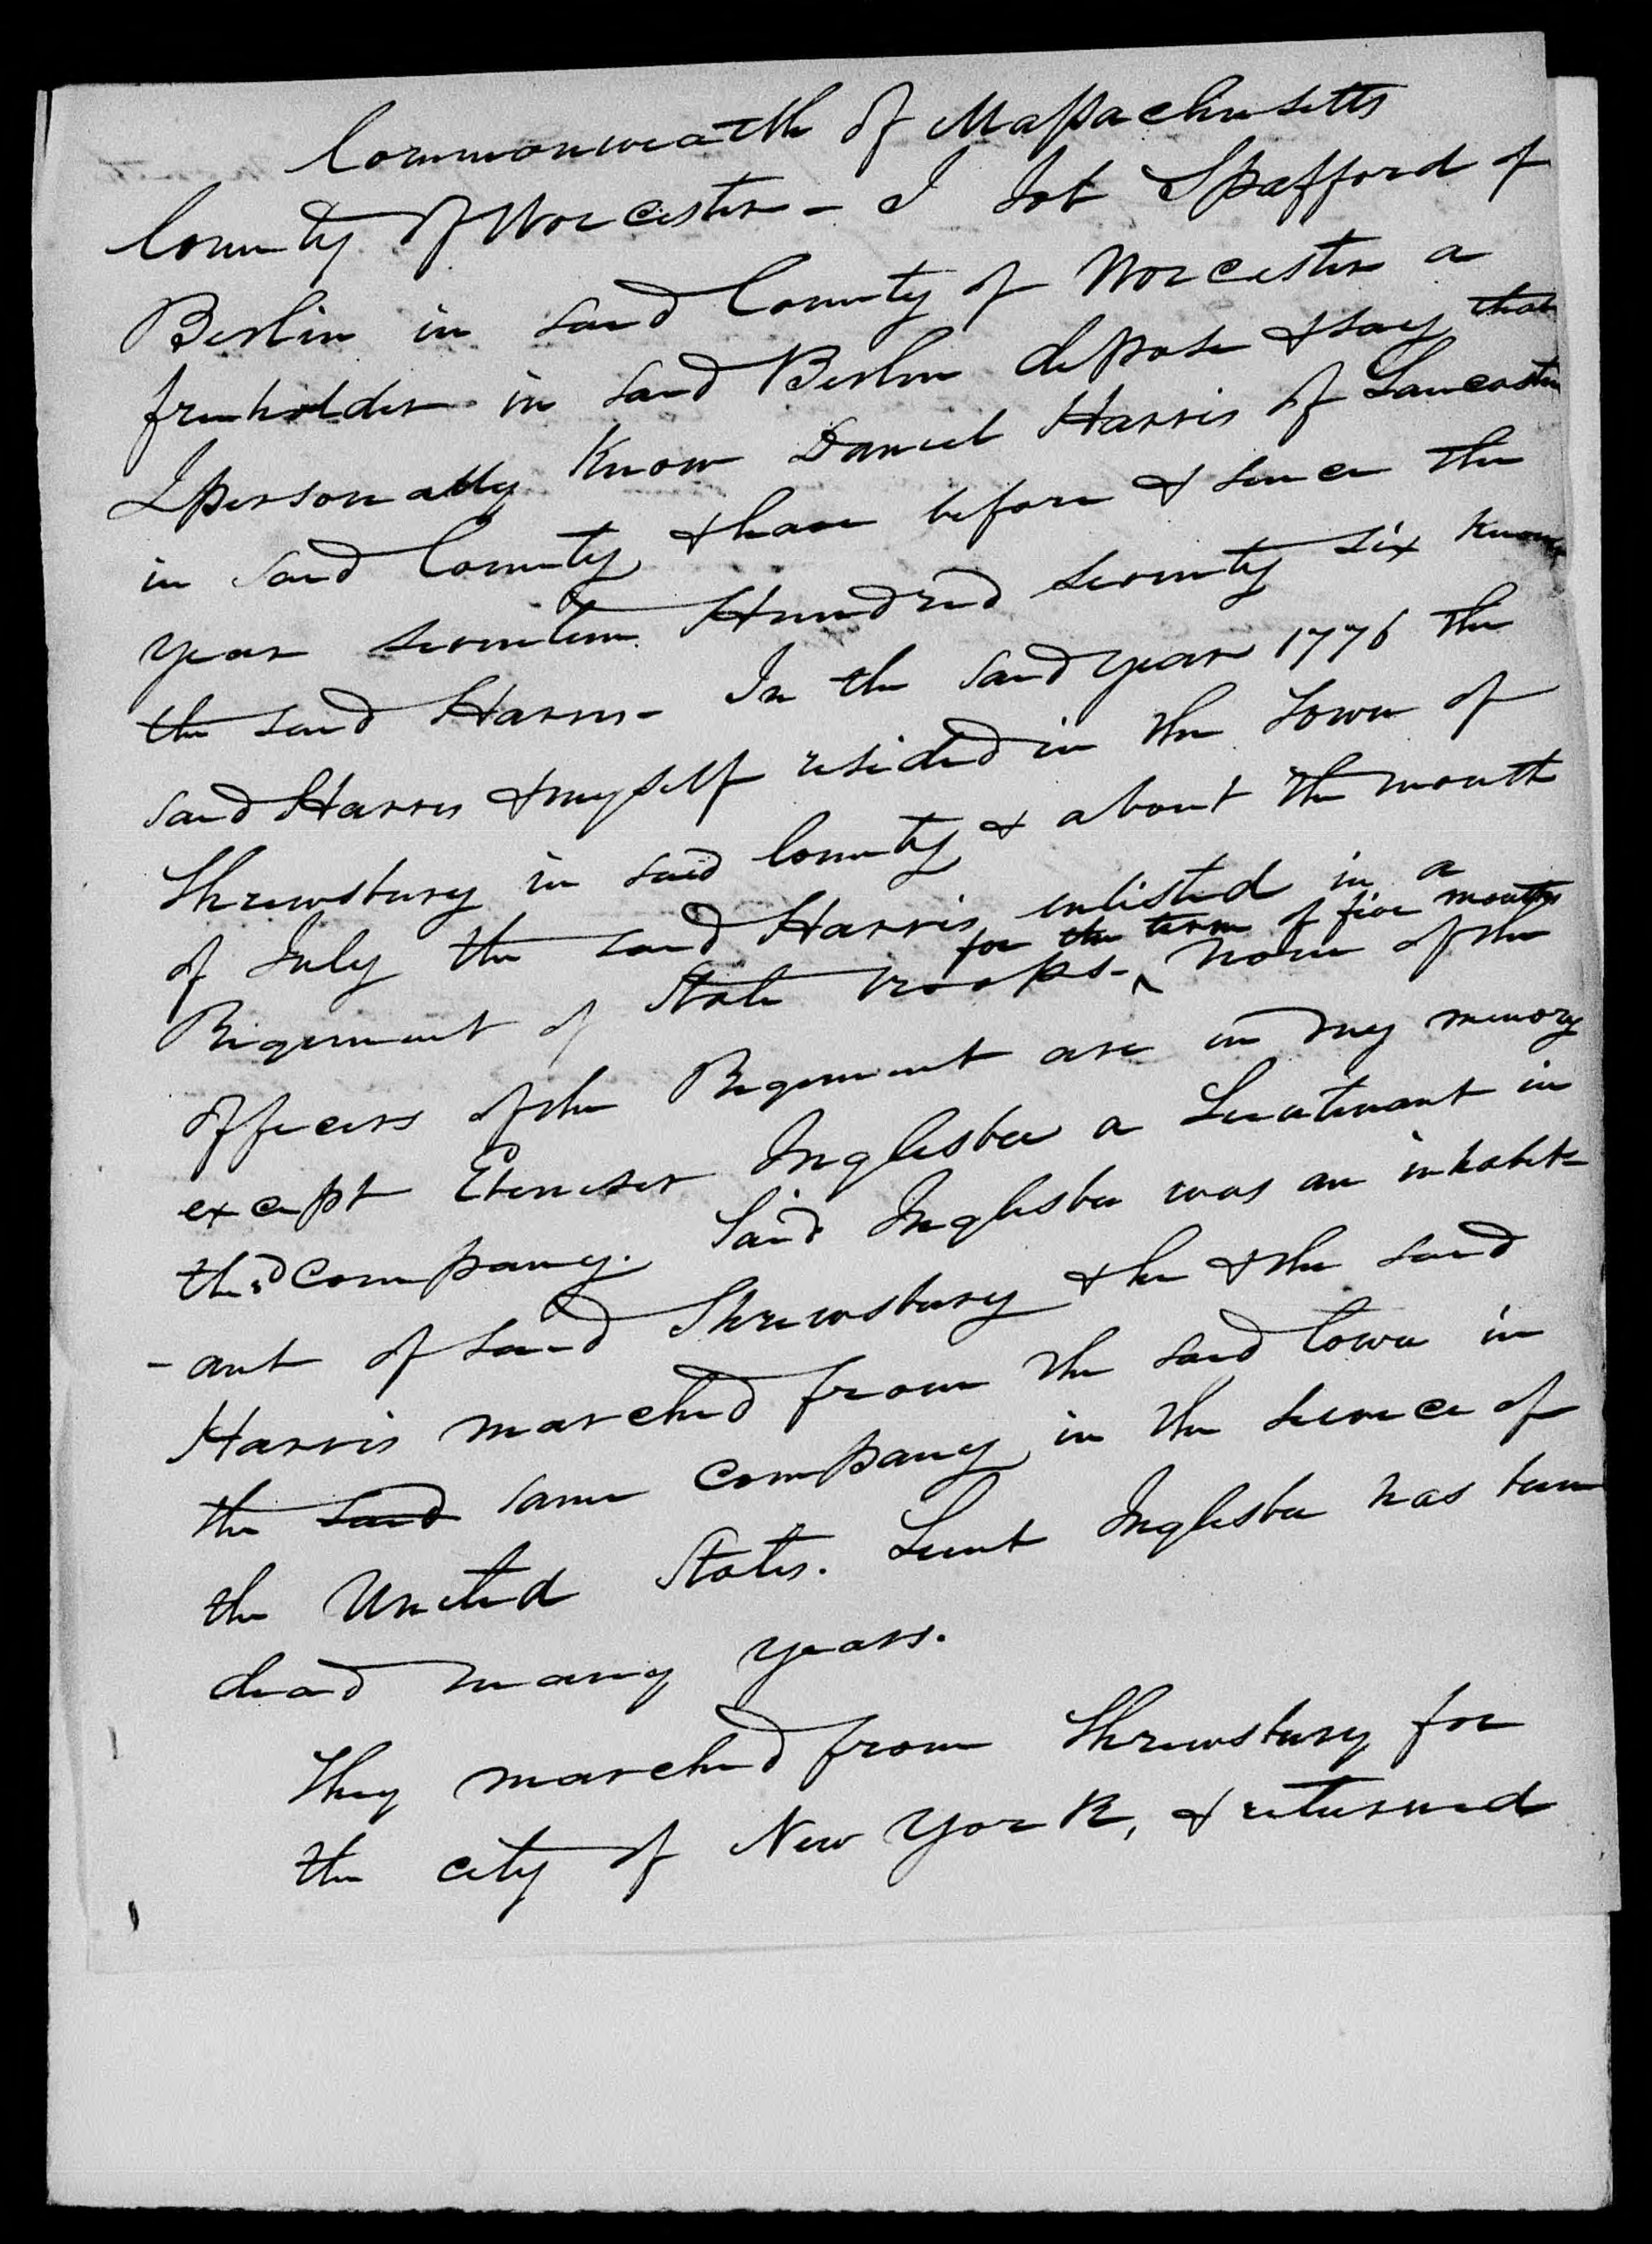Commonwealth of Massachusetts County of Worcester.  I Job Spofford of Berlin in said County of Worcester a [illegible] in said Berlin depose & say that I personally know Daniel Harris of Lancaster in said County & have before & (?) this year seventeen Hundred and Seventy six know the said Harris.  In the said year 1776 the said Harris & myself resided in the Town of Shrewsbury in said County & about the month of July the said Harris enlisted in a Regiment of State troops for the rem of five months - none of the officers of the Regiment are in my memory except Ebenezer Inglesbee a Lieutenant in the (?) Company. Said Inglesbee  was an inhabitant of (?) Shrewsbury & he & the said Harris marched from the said town in the same company in the service of the United States. Lieut Inglesbee has been dead many years. 

They marched from Shrewsbury for the city of New York, & returned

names: Job Spafford, Harris, Harris, Shrewsbury, Inglesbee, Harris, Inglesbee, Ebenezer Inglesbee, Harris, Daniel Harris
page: 19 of 68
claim: survivor's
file: S. 29,877, Daniel Harris, Mass.